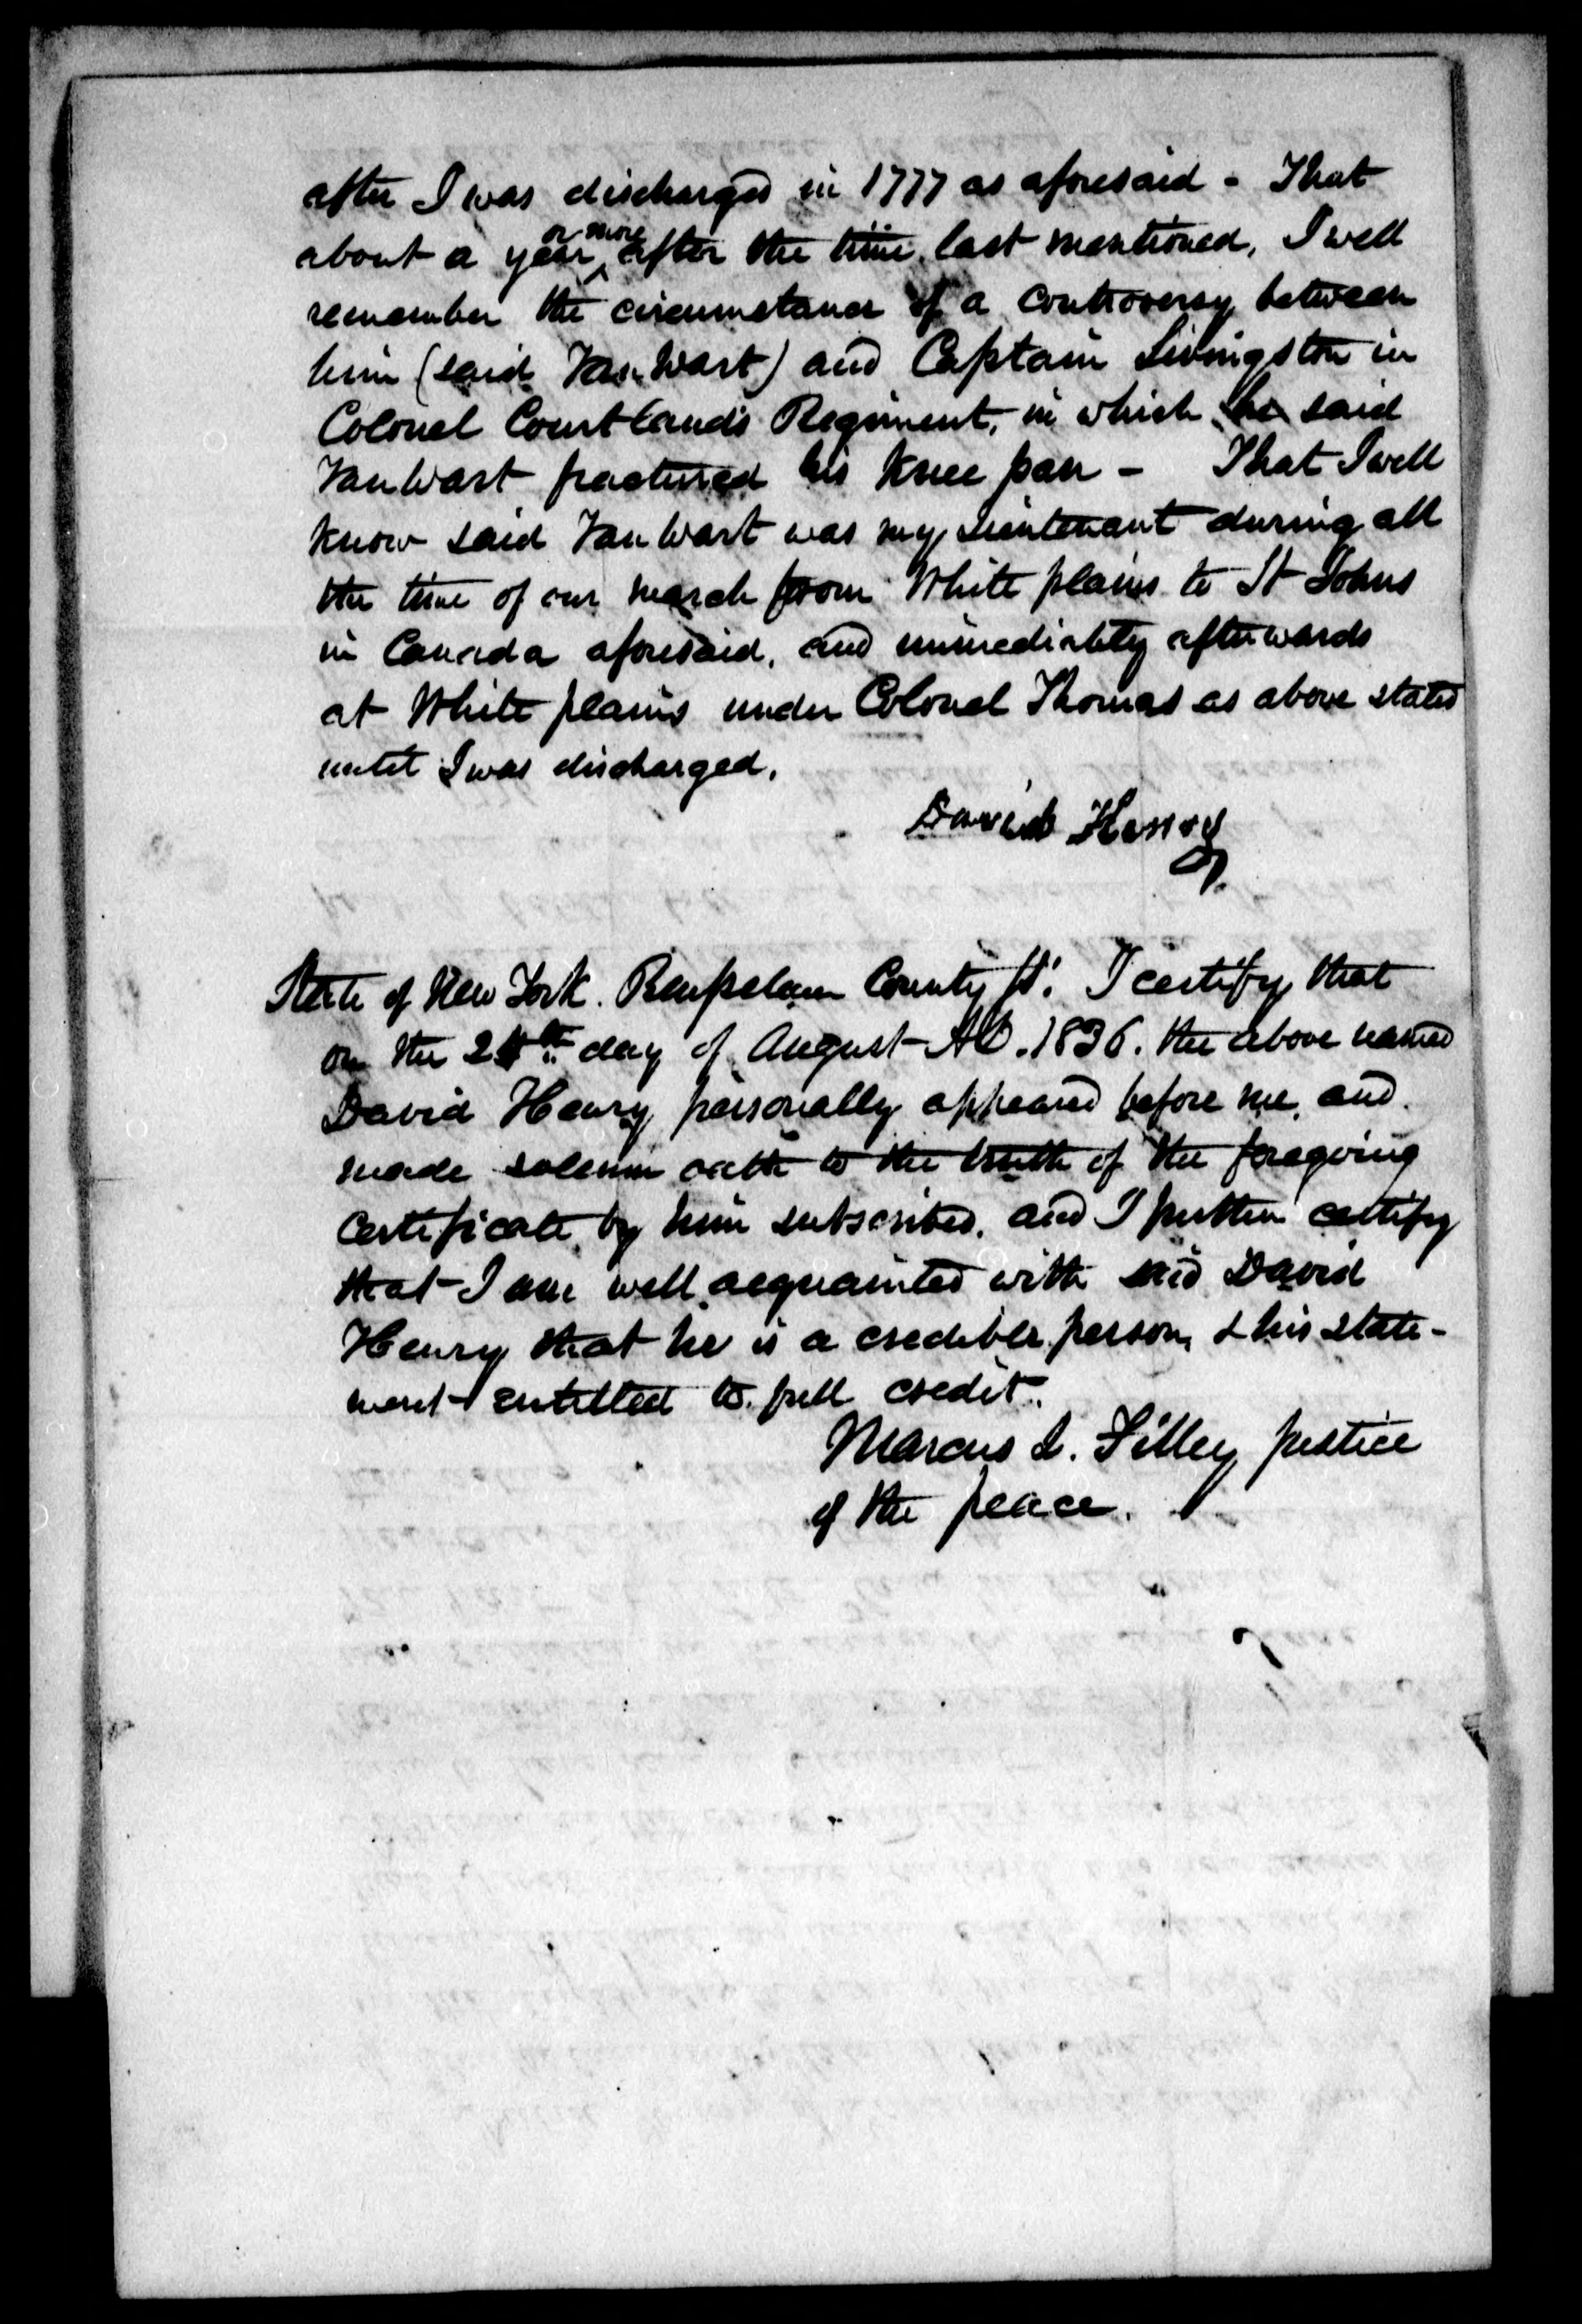after I was discharged in 1777 as aforesaid.  That about a year or more after the time last mentioned, I well remember the circumstances of a controversy between (said Van Wart) and Captain Livingston in Colonel Courtland's Regiment in which said Van Wart fractured his knee pan - That I well know said Van Wart was my Lieutenant during all the time of our march from White Plans to St Johns in Canada aforesaid, and immediately afterwards at White Plains under Colonel Thomas as above stated until I was discharged.

(signed)
David Henry

State of New York Rensselaer County:  I certify that on the 24th day of August - AD 1836 the above named David Henry personally appeared before me and made solemn oath to the truth of the foregoing certificate by him subscribed and I further certify that I am well acquainted with said David Henry that he is a credible person & his statement entitled to full credit.

Marcus L. Filley Justice
of the Peace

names: Van Wart, David Henry, Thomas, David Henry, David Henry, Van Wart, Marcus J Filley, Van Wart, Livingston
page: 73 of 102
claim: widow's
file: W. 18239, Isaac Van Wart, New York